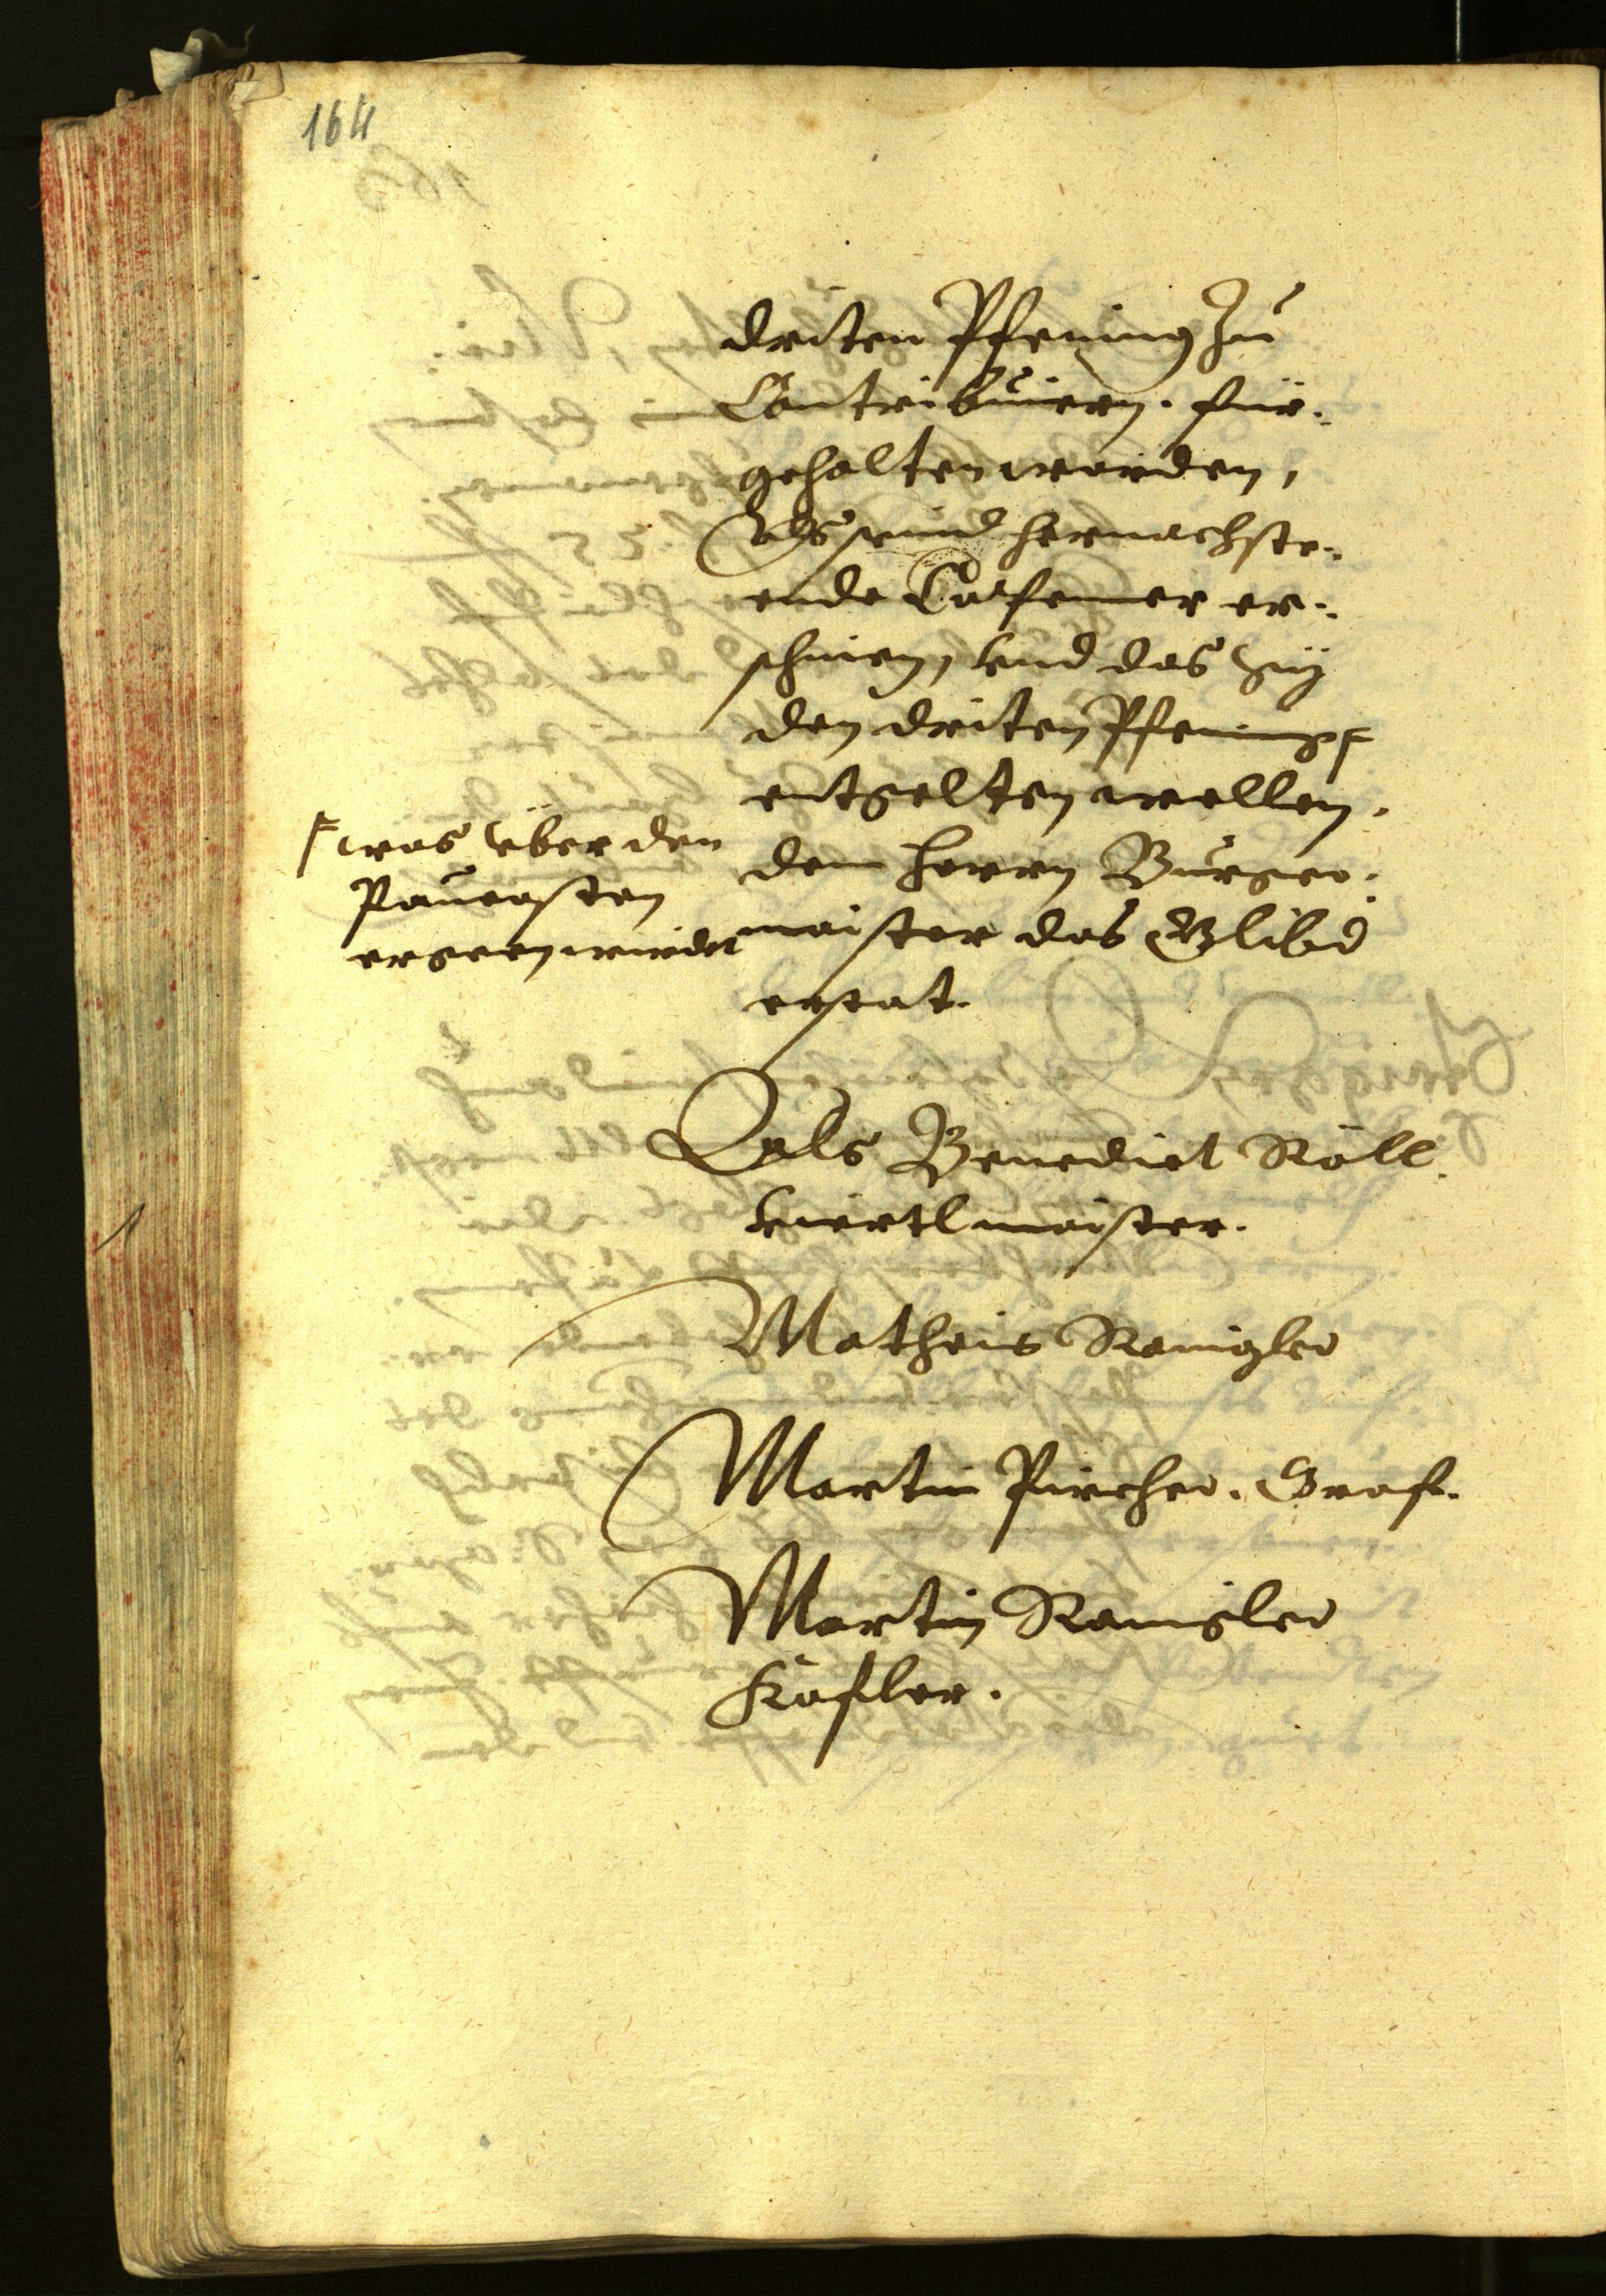164
driten Pfening Zū
Contribūiern. für¬
gehalten worden,
Als seind hernachste¬
ende Capenner er¬
schinen, vnd das Sÿ
den driten Pfening
entgelten wellen.
dem herrn Būrger¬
maister das Glibd
erstat.
was v̈ber den
Paūcosten
ergeen wirdet
Als Benedict Röll
Viertlmaister.
Matheis Ranigler
Martin Pircher. Graf.
Martin Ranigler
Kofler.